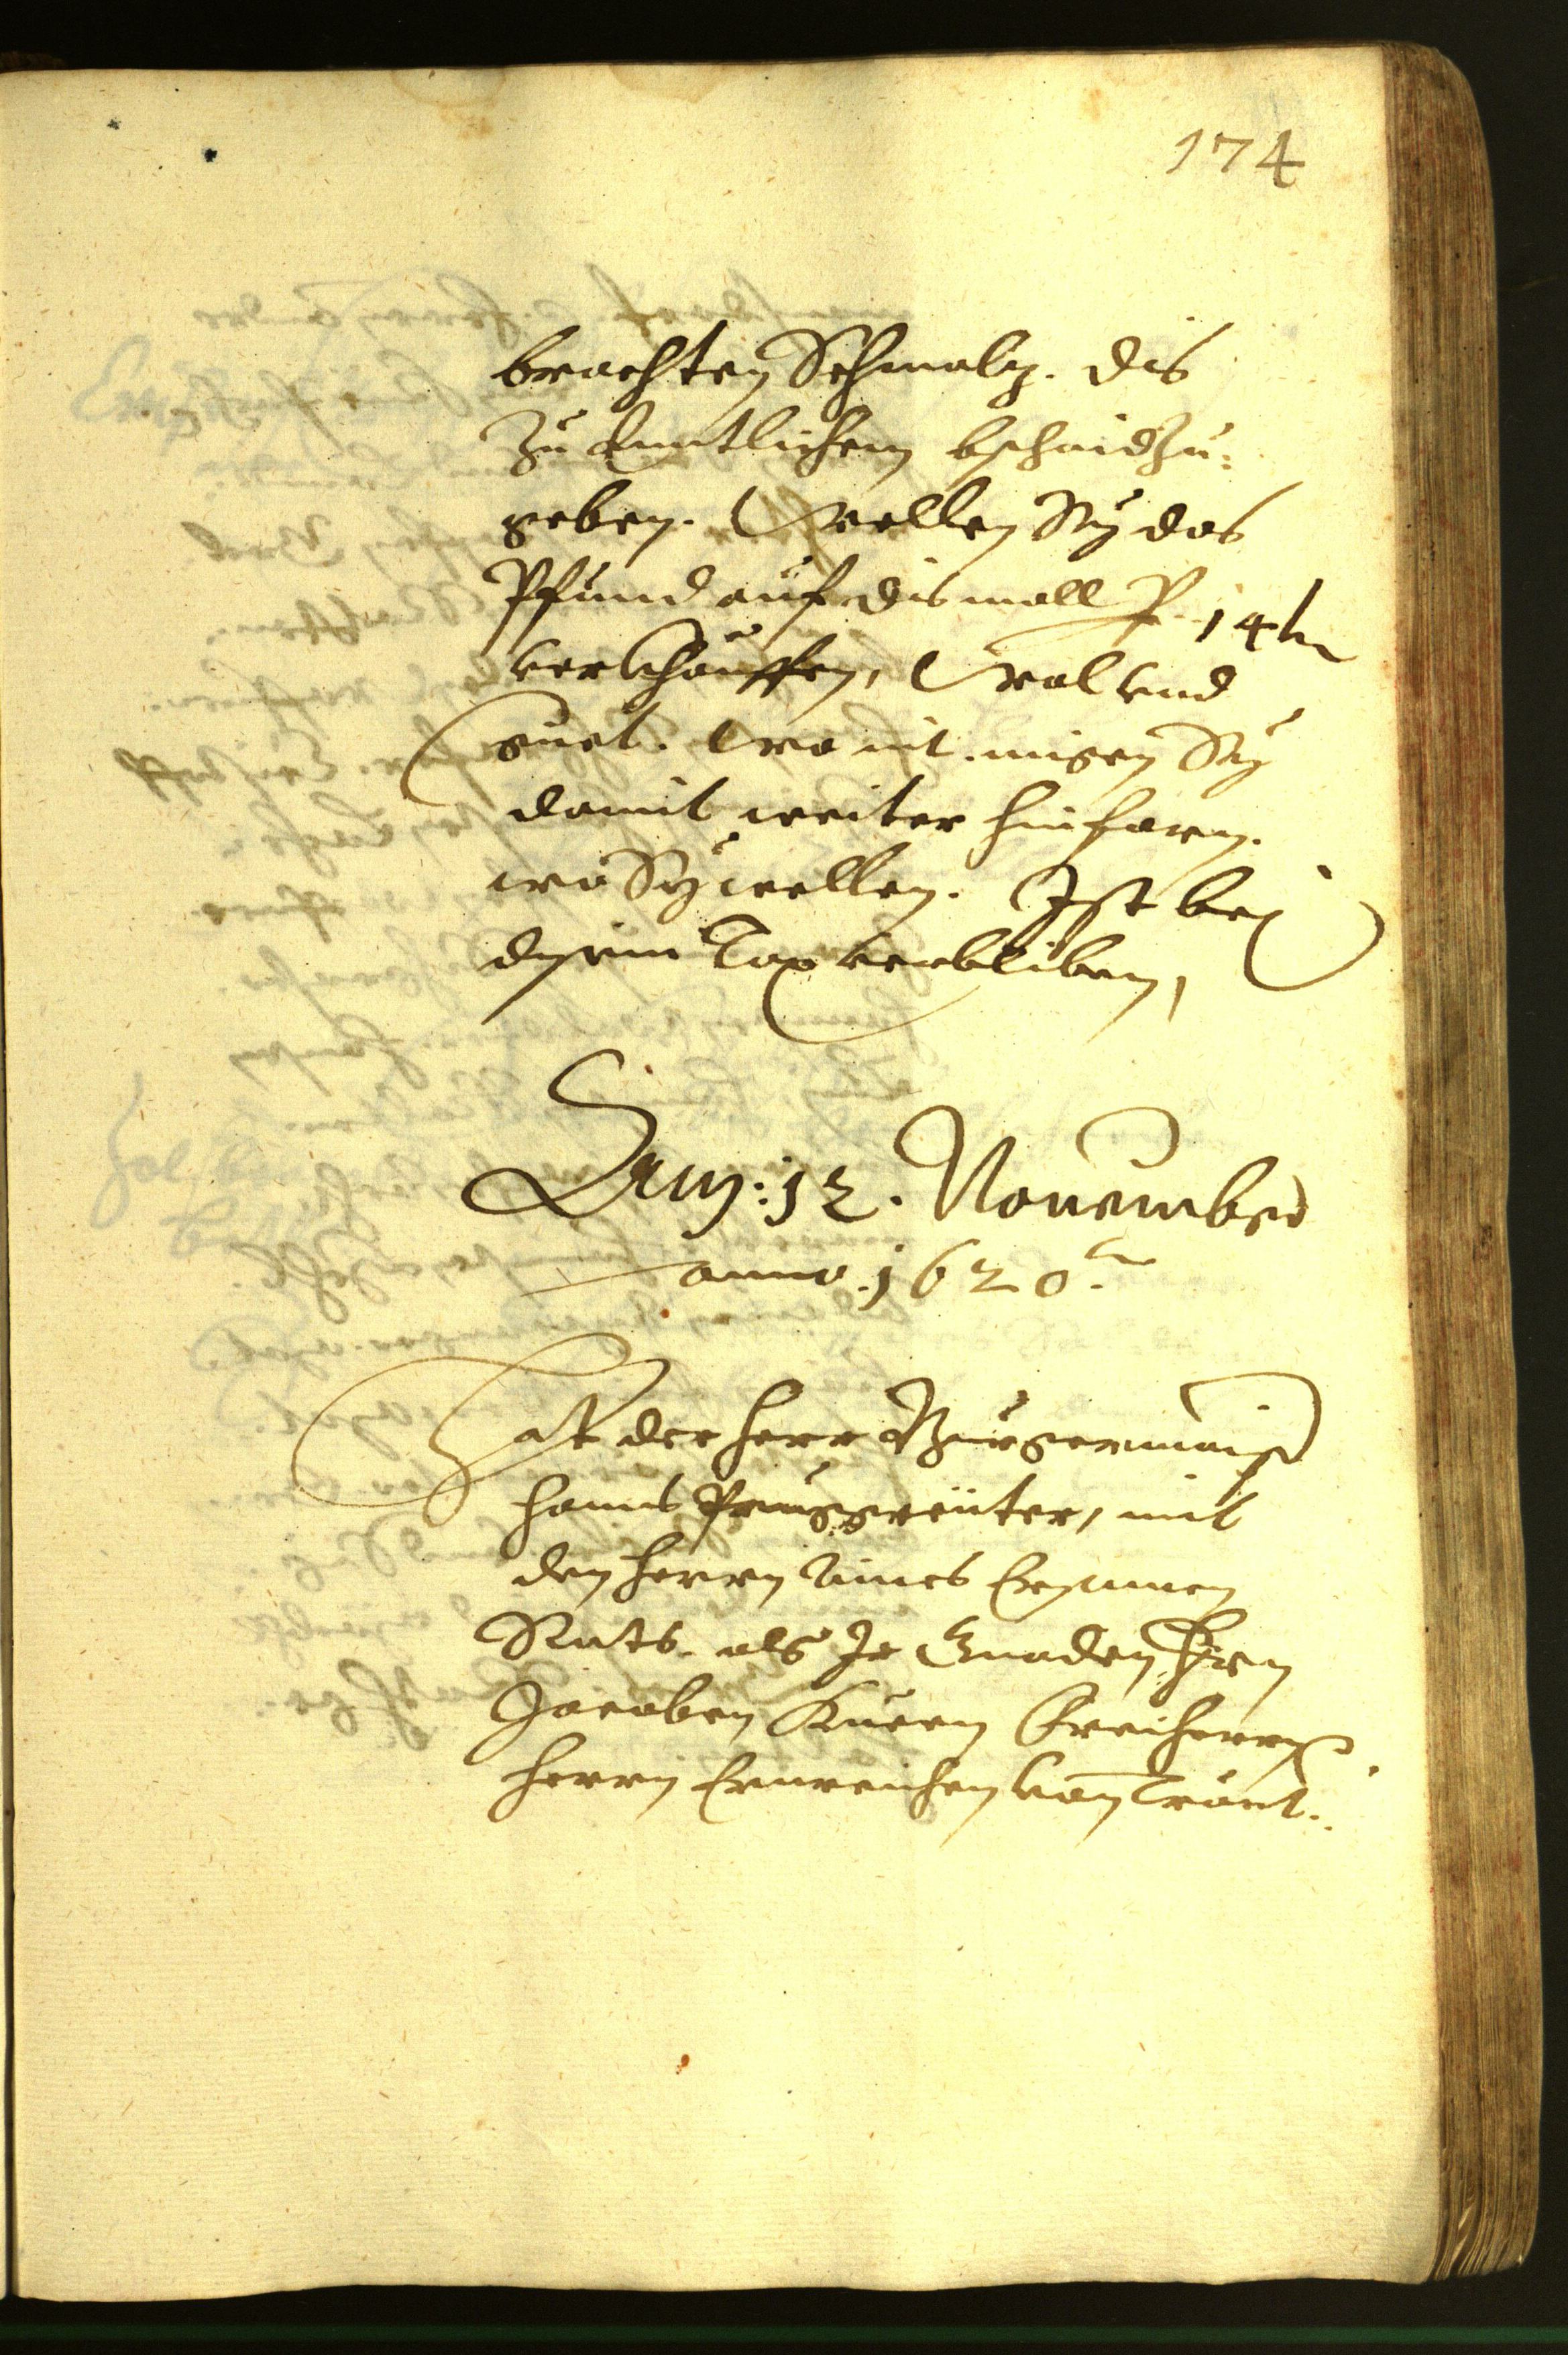174
brachten Schmalz. dis
Zū Enntlichen bschaid Zū¬
geben. Wellen Sȳ das
Pfūnd aūf dis mall P: 14 k
verkhaūffen, Wol vnd
gūet. wo nit. migen Sȳ
damit weiter hinfarn.
wo Sȳ welln. Ist bej
disem Tax verbliben,
Am: 12. Noūember
Anno .1620.t
Hat der herr Būrgermaist
hanns Prūggreüter, mit
den herrn Aines Ersamen
Rats. als Ir Gnaden hrn
Jacoben Kūeen Freiherrn etc.
herrn Ernreichen von Traūt¬